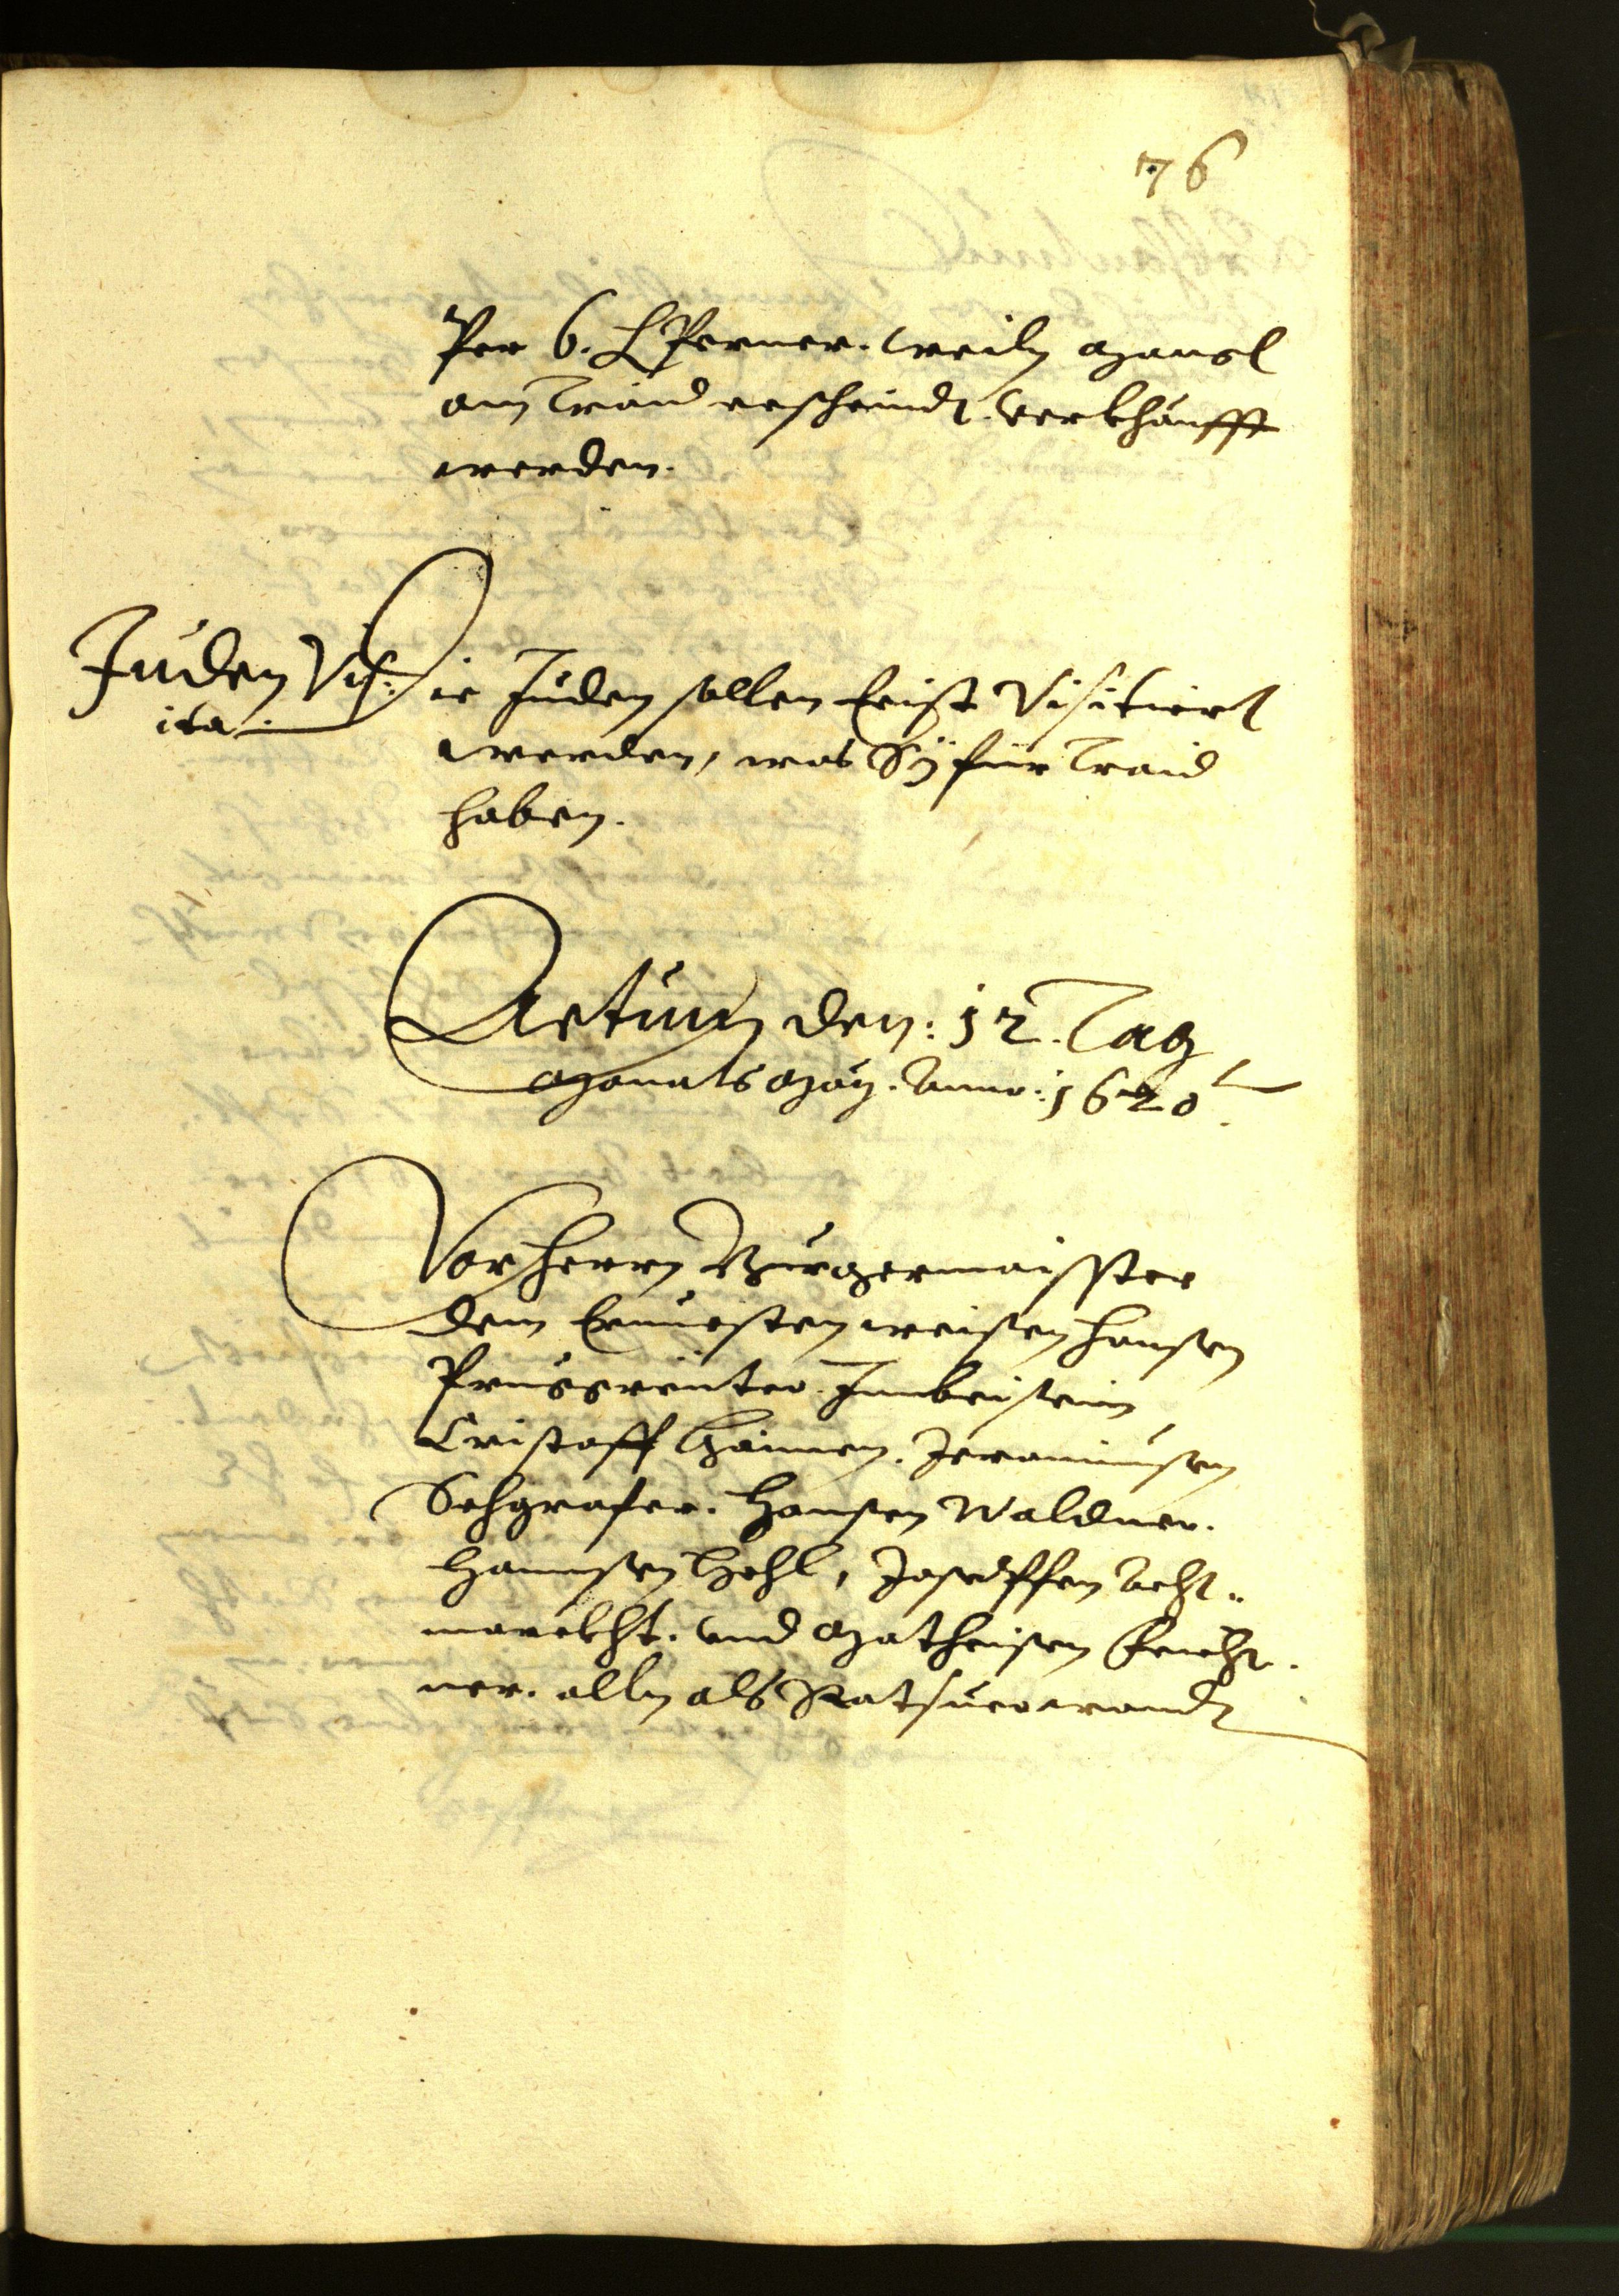76
Per 6. L Perner. weiln Mangl
am Traid erscheindt. verkhaūfft
werden.
Die Jūden sollen Eeist Visitiert
werden, was Sÿ für Traid
haben.
Jūden Vis¬
ita.
Actūm den: 12. Tag
Monats Maȳ. Anno: 1620.t
Vor herrn Būrgermaisster
dem Ernūesten weisen hansen
Prūggreüter. Innbeisein
Cristoff Haimen. Jeronimūsen
Schgrafer. Hansen Waldner.
Hannsen Hehl, Joseffen Acht¬
marckht. vnd Matheisen Feicht¬
ner. alln als Ratsūerwandt